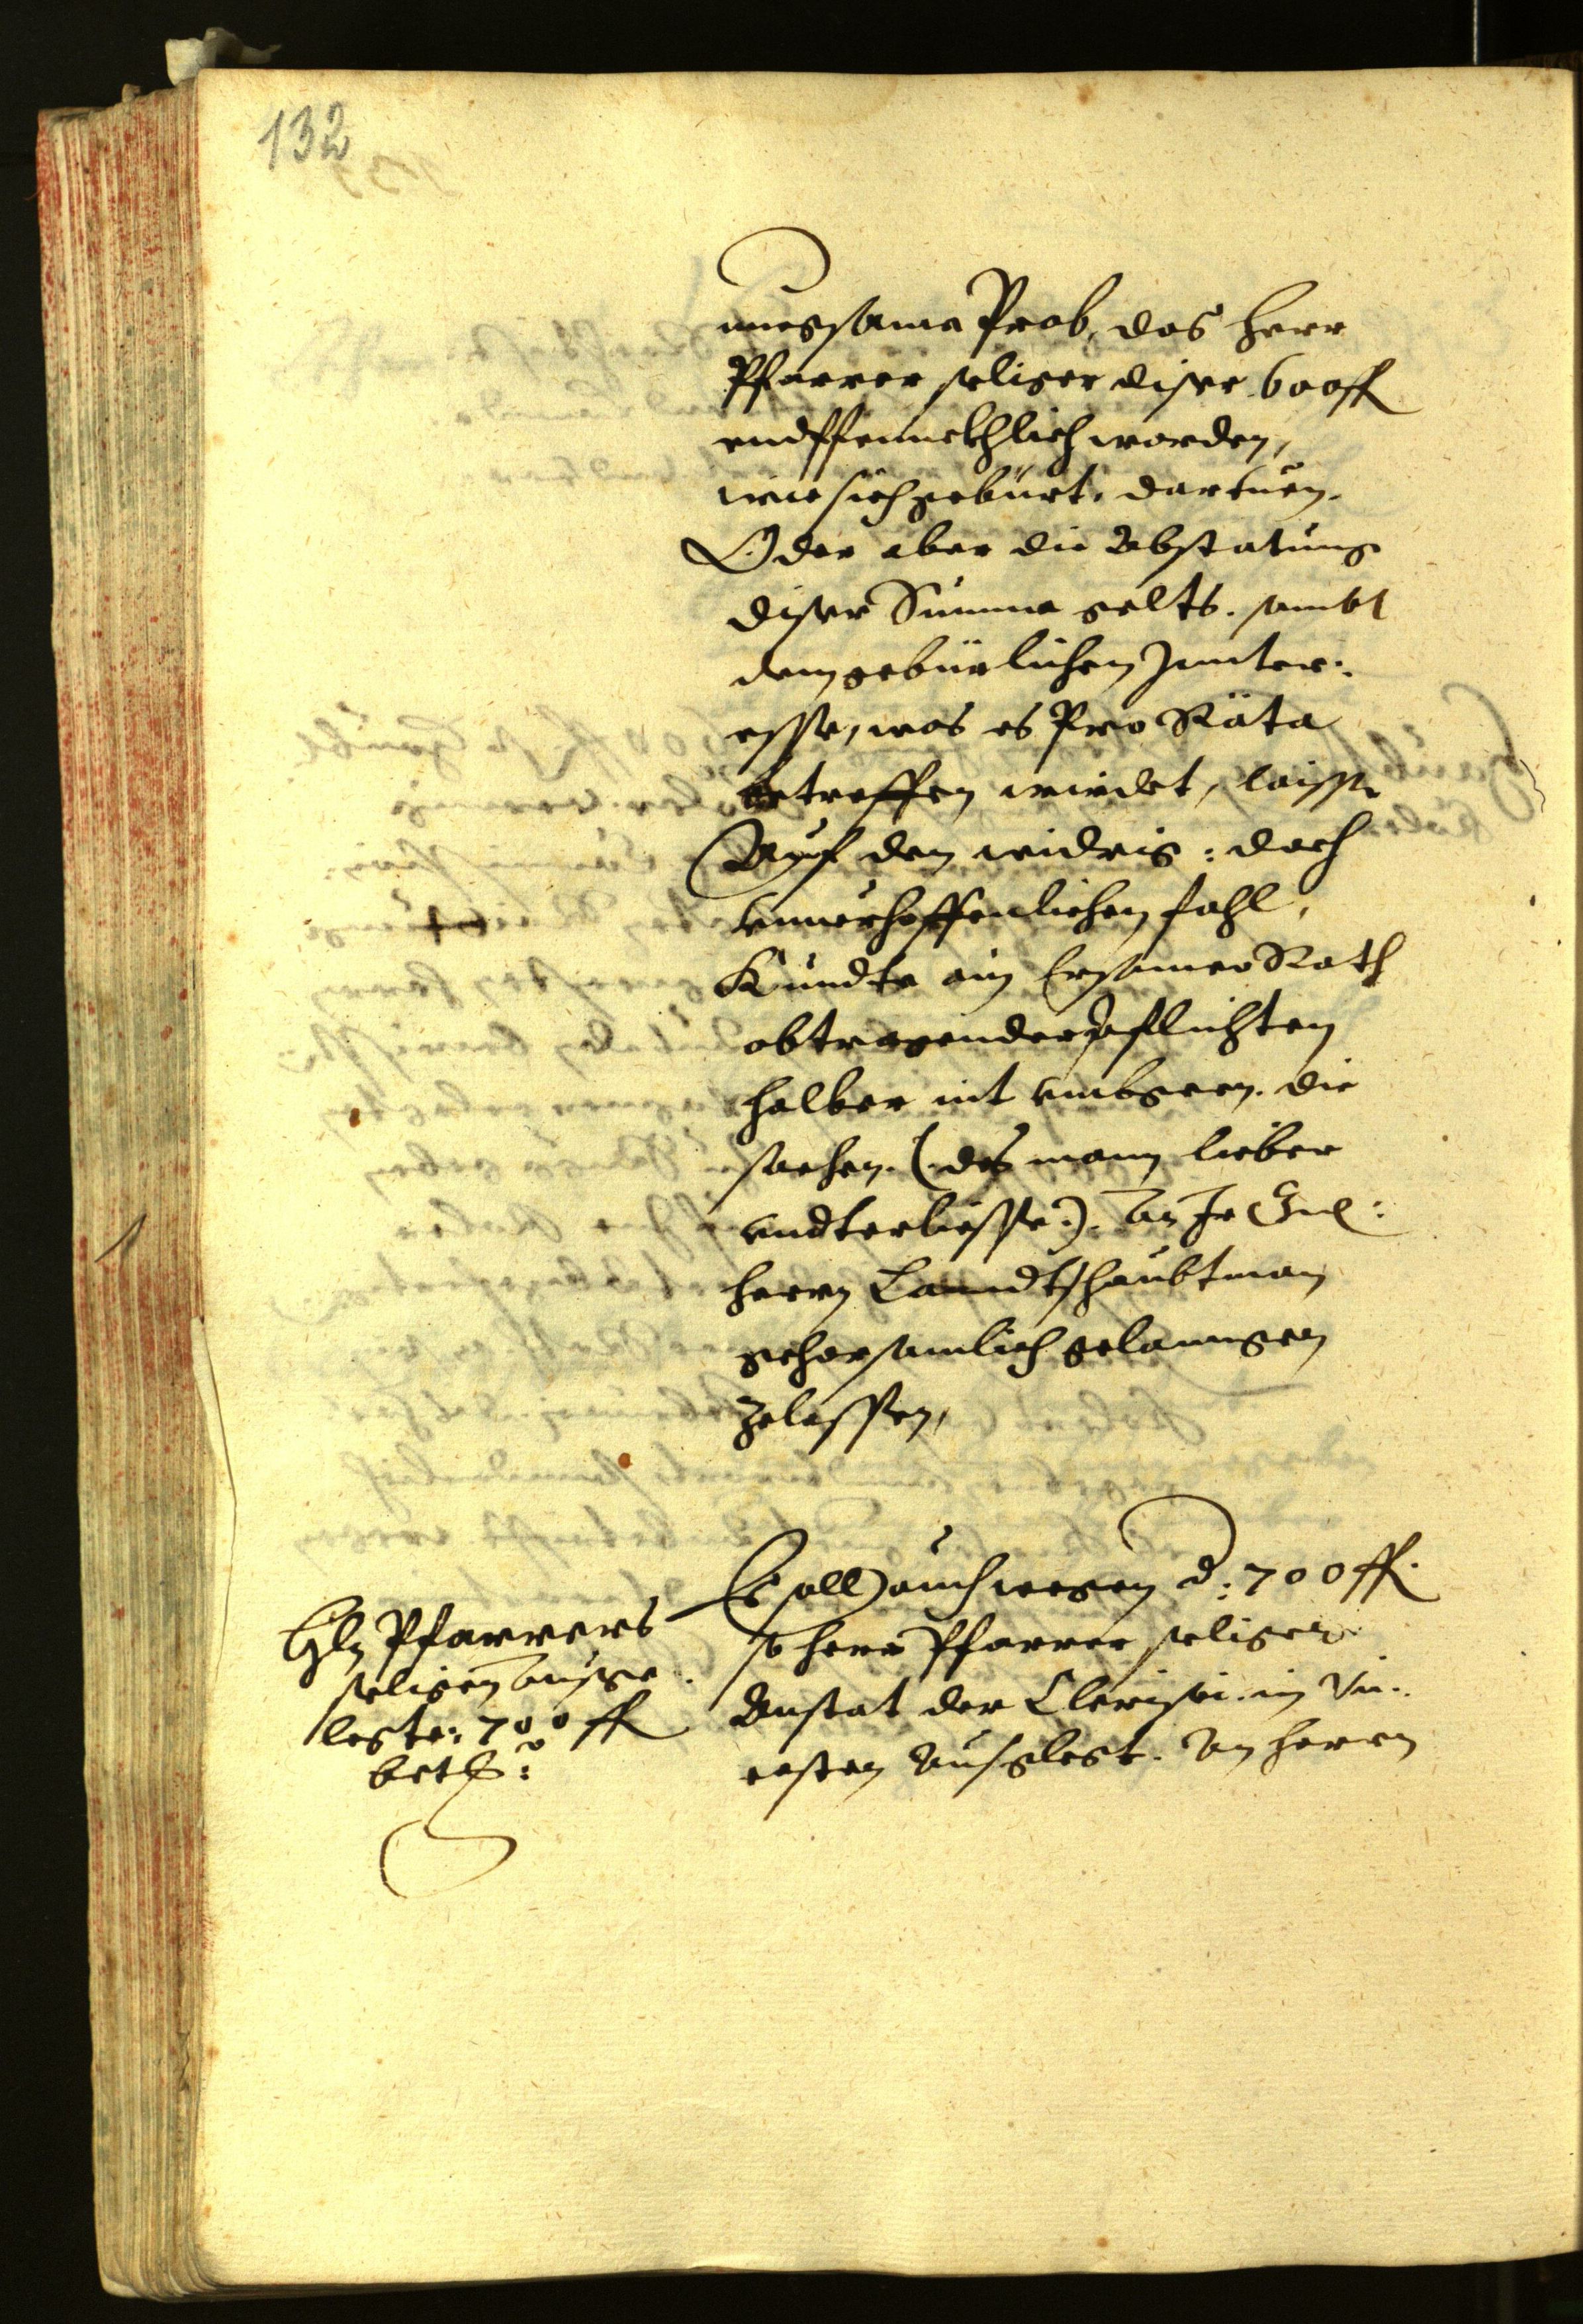132
nūgsame Prob, das herr
Pfarrer seliger diser 600 fl
endffennckhlich worden,
wie sich gebürt, dartūen.
Oder aber die Abstatūng
diser Sūmma gelts. sambt
dem gebürlichen Innter¬
esse, was es Pro Räta
ertreffen wirdet, laisst.
Aūf den widrig: doch
Vnūerhoffenlichen fahl
kūndte ain Ersamer Rath
obtragender Pflichten
halber nit vmbgeen. die
sachen .(.des mann lieber
vndterliesse.). An Ir Gn:
herrn Lanndtshaūbtman
gehorsamlich gelanngen
Zelassen,
Es soll aūch wegen d: 700 fl.
so herr Pfarrer seliger
Anstat der Clerisei. in Vn¬
costen Aūsglegt. An heren
Hln Pfarrers
seligen Aūsge¬
legte: 700 fl
bet: